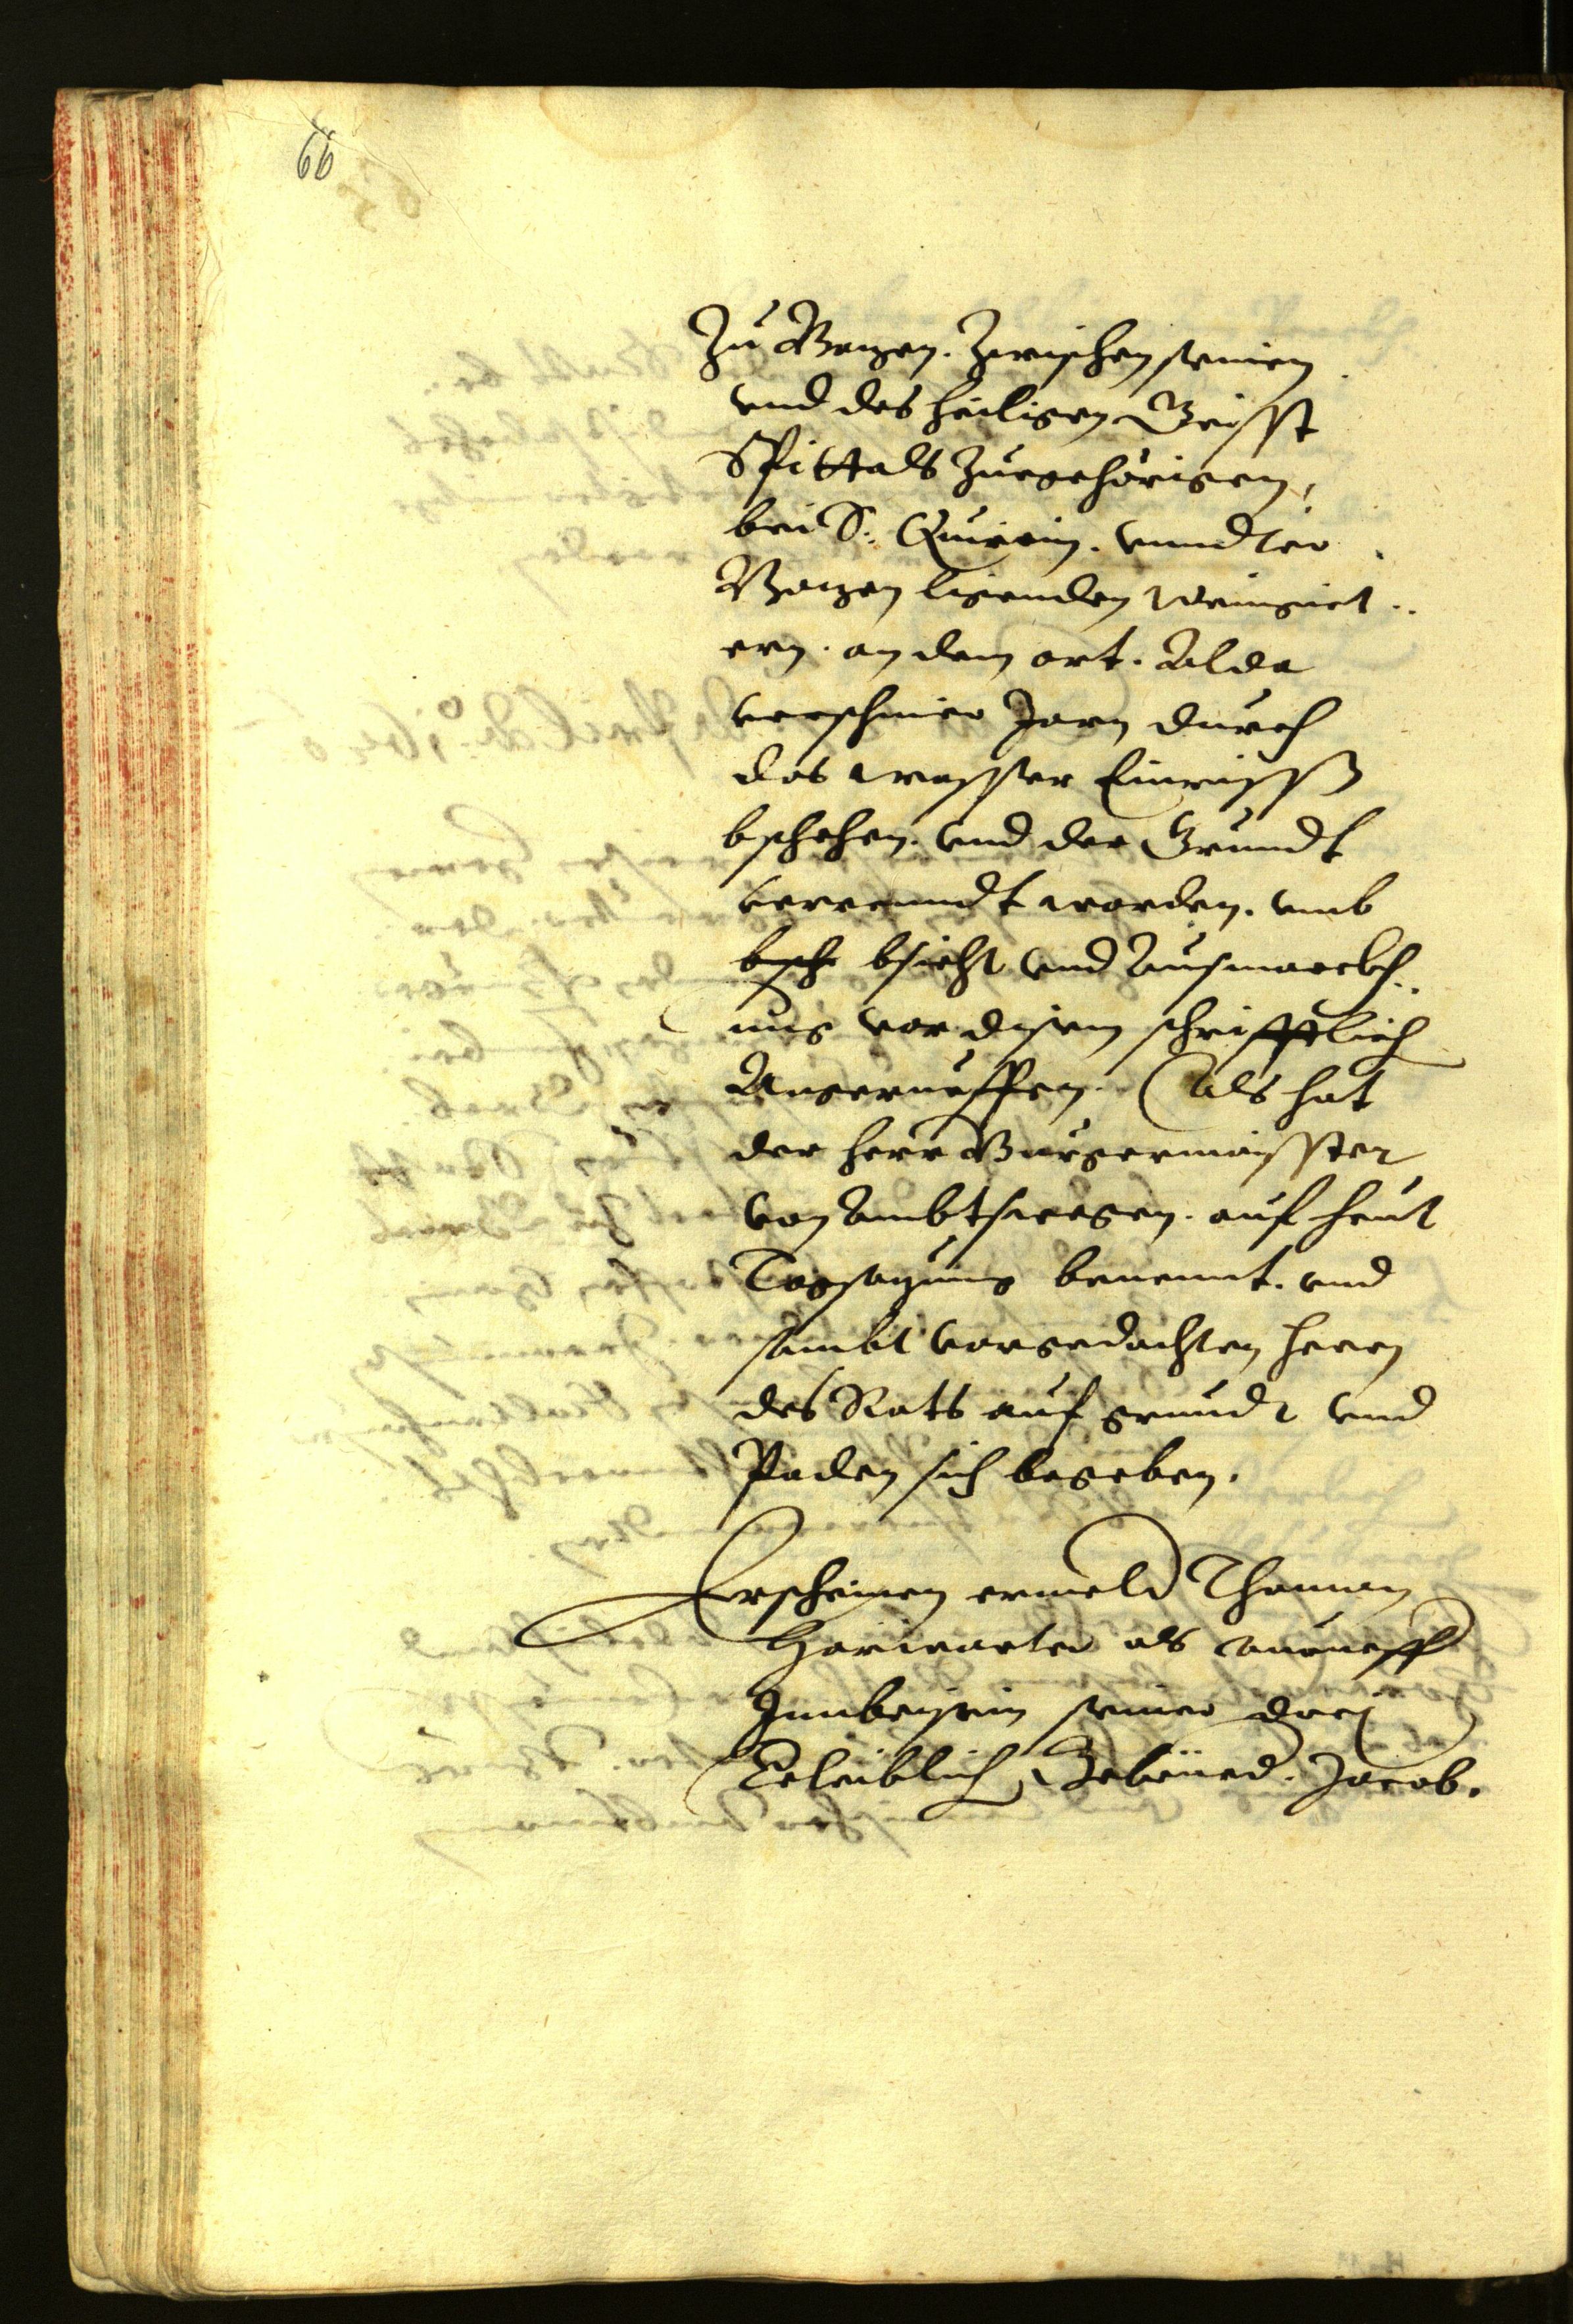66
Zū Bozen. Zwischen seinen
vnd des heiligen Geisst
Spittals Zūegehōrigen
bei S: Qūirein. vnndter
Bozen ligenden Weingūet¬
ern an den ort. Alda
verschinen Jarn dūrch
das wasser Einrisß
bschehen. vnd der Grūnndt
verrenndt worden. vmb
bsch bsicht vnd Aūsmarckh¬
ūng vor disem schrifftlich
Angerūeffen. Als hat
der herr Būrgermaisster
von Ambtswegen. aūf heūt
Tagsazūng benennt. vnd
sambt vorgedachten herrn
des Rats aūf grūndt vnd
Poden sich begeben.
Erscheinen ermelt Thoman
Hörwarter als Anrūeff
Innbeisein seiner drej
Eeleiblich Gebrüed. Jacob,